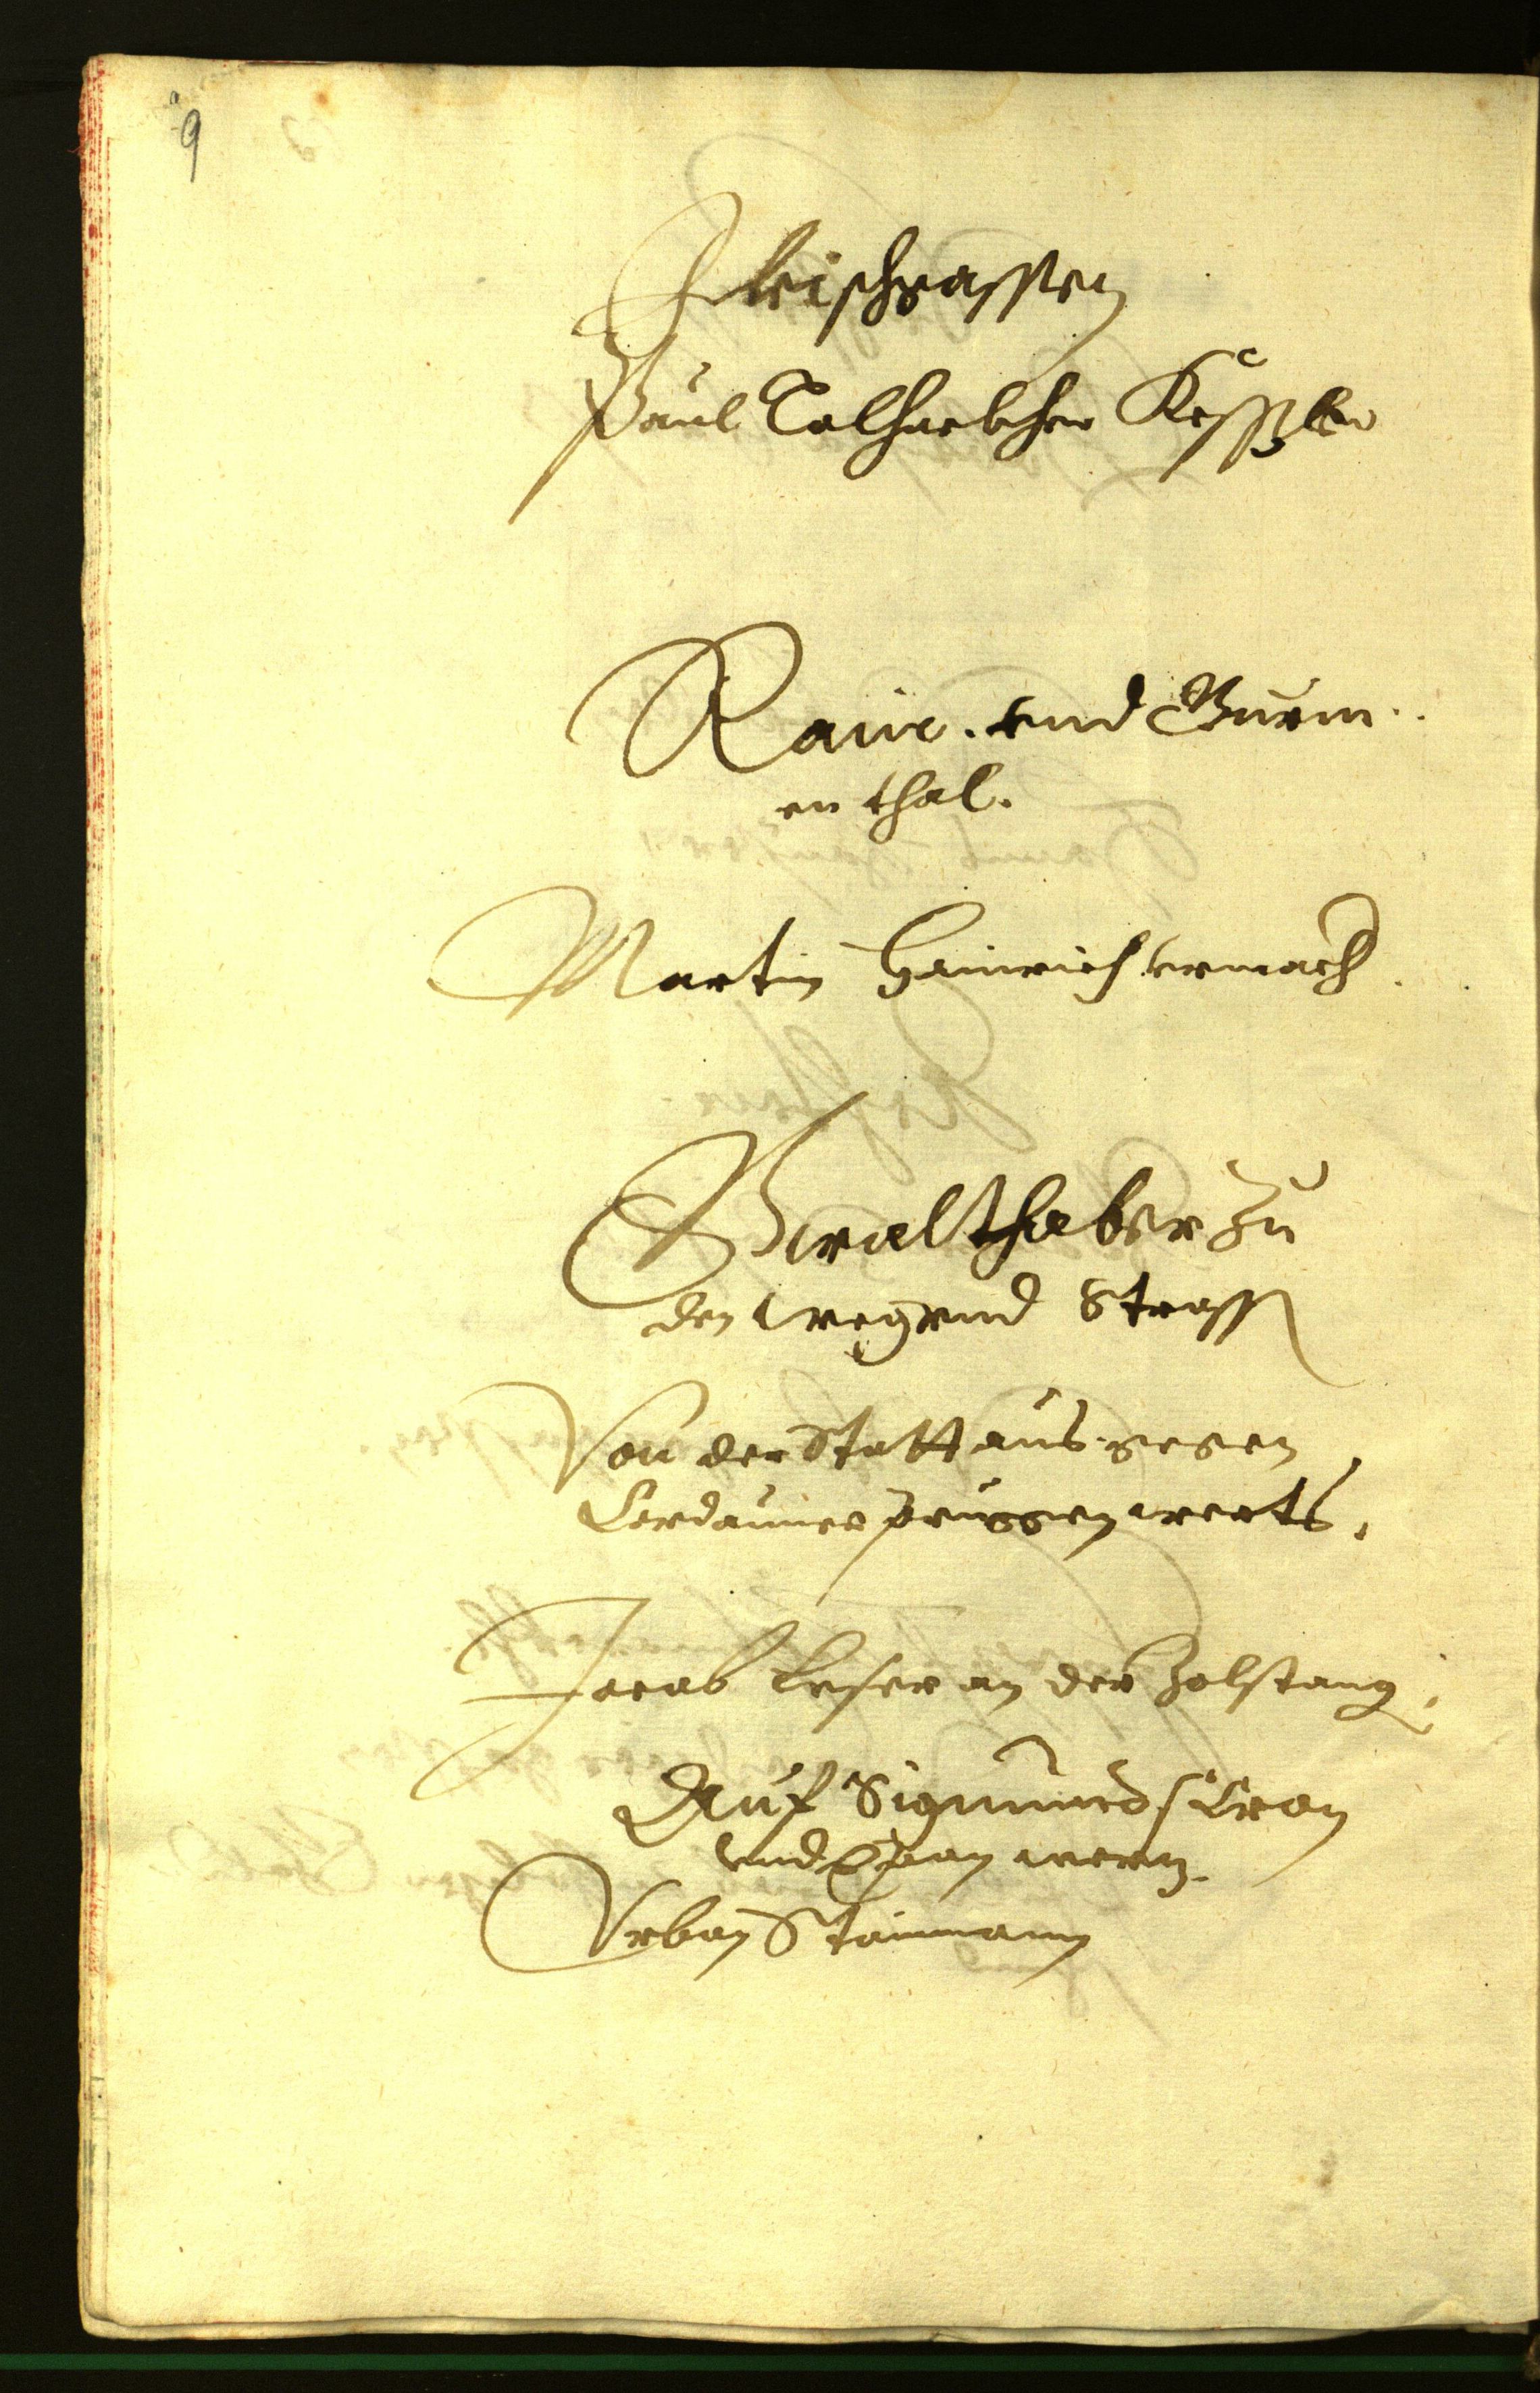9
Fleischgassen
Paūl Talhackher Kesßler
Rain. vnd Gūrm¬
en thal.
Martin Hainrich vrmach.
Gwalthaber Zū
den weg vnd Strass
Von der Statt aūs gegen
Cardaūner Prūggen werts.
Jacob Leser an der Zolstang.
Aūf Sigmūnds Cron
vnd Epan werz.
Vrban Stainmann